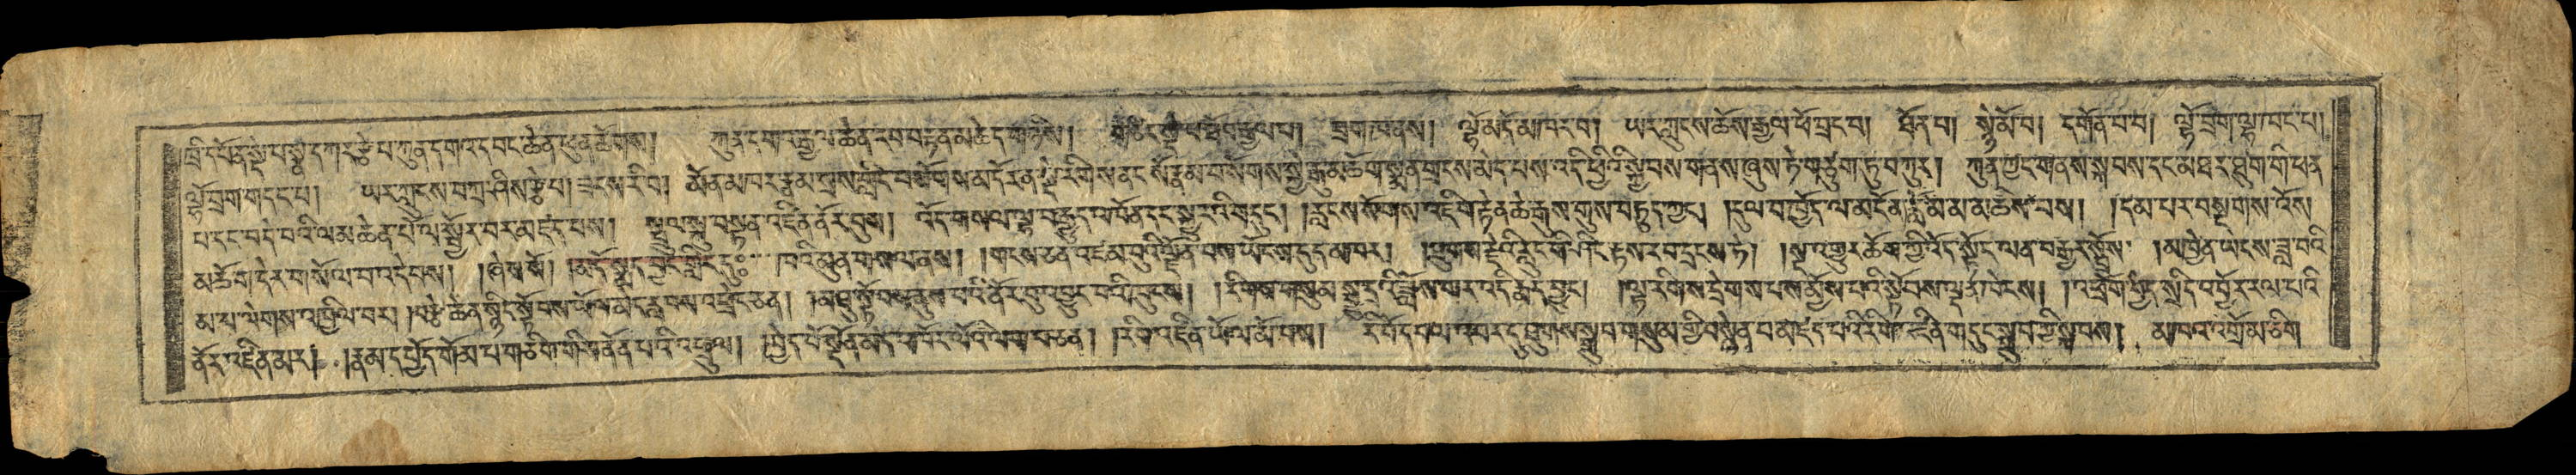ཁྲི་དཔོན་སྡེ་པ་སྣ་དཀར་རྩེ་པ་ཀུན་དགའ་དབང་ཆེན་ཕུན་ཚོགས། ཀུན་དགའ་རྒྱལ་ཆེན་རབ་བརྟན་མཆེད་གཉིས། གཙང་སྡེ་པ་ཐོབ་རྒྱལ་པ། བྲག་ཁ་ནས། ལྷོ་མདོ་མཁར་བ། ཡར་ཀླུངས་ཆོས་རྒྱལ་ཕོ་བྲང་བ། ཐོན་པ། སྙེ་མོ་བ། དགོན་པ་བ། ལྷོ་བྲག་ལྷ་ཁང་པ།
ལྷོ་བྲག་གདང་པ། ཡར་ཀླུངས་བཀྲ་ཤིས་རྩེ་པ། ཟངས་རི་བ། མོན་མཁར་རྣམ་སྲས་གླིང་པ་སོགས་མདོར་ན་སྡེ་རིགས་ནང་སོ་རྣམ་པ་སོགས་སྐྱེ་རྒུ་མཆོག་སྨན་གྲངས་མེད་པས་འདི་ཕྱིའི་སྐྱབས་གནས་ཞུས་ཏེ་གཅུག་ཏུ་བཀུར། ཀུན་ཀྱང་གནས་སྐབས་དང་མཐར་ཐུག་གི་ཕན་
པ་དང་བད་པའི་ལམ་ཆེན་པོ་ལ་སྦྱོར་བར་མཛད་པས། སྤྲུལ་སྐུ་བསྟན་འཛིན་ནོར་བུས། འོད་གསལ་ལྷ་བརྒྱུད་འཁོན་དང་སྐྱུ་རའི་གདུང་། །རླངས་སོགས་འཇིག་རྟེན་ཆེ་རྒུས་གུས་བཏུད་ཀྱང་། །དུལ་བ་ཁྱོད་ལ་མངོན་རློམ་མ་མཆིས་པས། །དམ་པར་བསྔགས་འོས་
མཆོག་དེར་གསོལ་བ་འདེབས། །ཞེས་སོ། །མདོ་སྨད་བྱང་གླིང་དུཿ ཁའི་མུན་གསལ་ནས། །གངས་ཅན་འཛམ་བུའི་ལྗོན་པས་ཡོངས་དུད་མཁར། །ཐུགས་རྗེའི་རླུང་གི་ཤིང་རྟས་རབ་དྲངས་ཏེ། །སྔ་འགྱུར་ཆོས་ཀྱི་འོད་སྟོང་ལན་བརྒྱར་སྤྲོས། །མཁྱེན་ཡངས་ཟླ་བའི་
མ་མ་ལེགས་འཁྱིལ་བར། །བརྩེ་ཆེན་སྙིང་སྟོབས་ཡོལ་མེད་རླབས་འཕྲེང་ཅན། །མཐུ་སྟོབས་ནུས་པའི་ནོར་བུ་འབྱུང་བའི་ཁུངས། །རིགས་གསུམ་སྒྱུ་དྲའི་ཟློས་གར་འདི་རྨད་བྱུང་། ལྷ་རིགས་དྲེགས་པས་མྱོས་པའི་སྟོབས་ལན་ཁེངས། །འཕྲོག་བྱེད་སྲིད་འབྱོར་རལ་པའི་
ནོར་འཛིན་མར། །རྣམ་དཔྱོད་གོམ་པ་གཅིག་གིས་ནོན་པའི་འཕྲུལ། །བྱེད་པོ་སྔོན་མེད་འཁོར་ལོའི་ལག་པ་ཅན། །རིག་འཛིན་ཡོལ་མོ་བས། རི་བོ་དཔལ་འབར་དུ་ཐུགས་སྒྲུབ་གསུམ་གྱི་བསྙེན་པ་མཛད་པའི་རིག་འཛིན་གདུང་སྒྲུབ་ཀྱི་སྐབས། མཁའ་འགྲོ་མ་ཅིག་